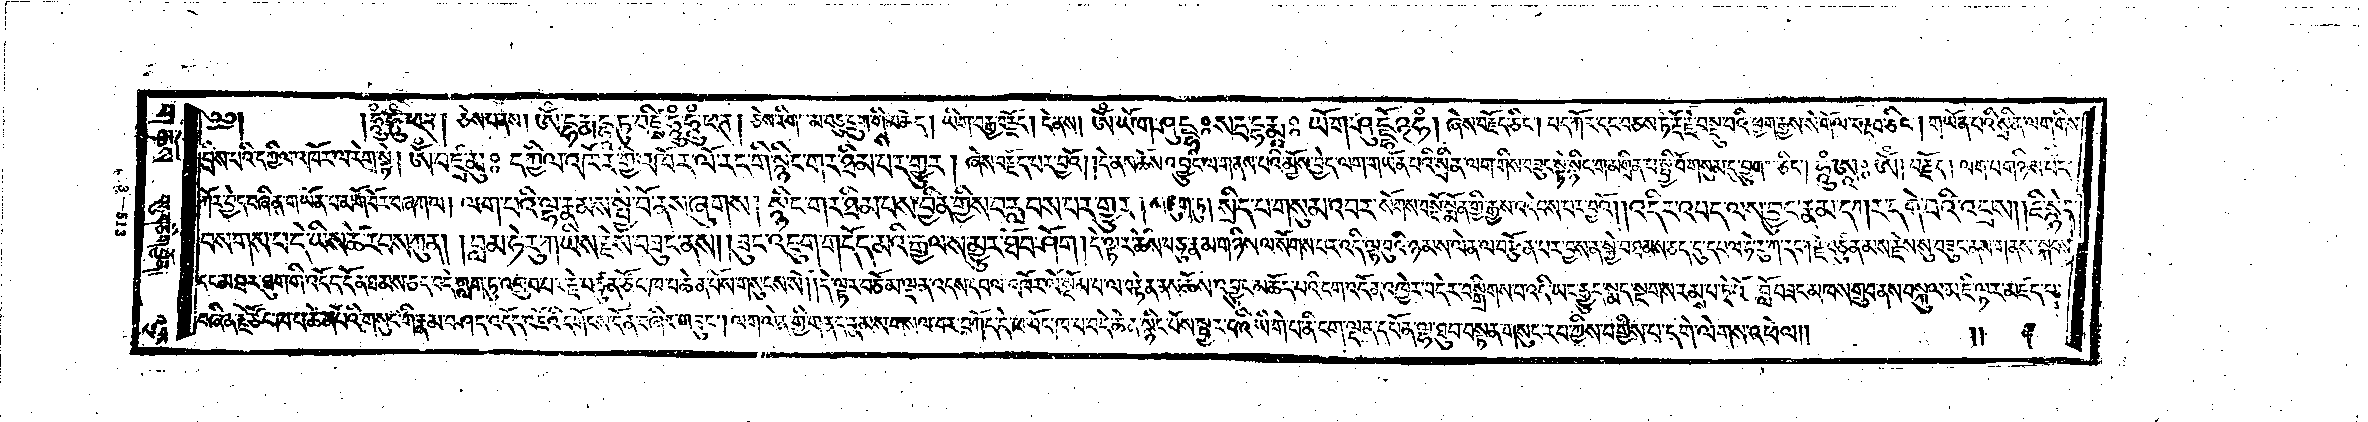༄༅། །ཧཱུཾ་ཧཱུཾ་ཕཌ། ཅེས་པ་ནས།  ཨོཾ་དྷརྨ་དྷཱ་ཏུ་བཛིས་ཧཱུཾ་ཧཱུཾ་ཕཌ། ཅེས་རིག་མ་བཅུ་དྲུག་གིས་མཆེད། ཡིག་བརྒྱ་བརྗོད། དེ་ནས།  ཨོཾ་ཡོ་ག་ཤུདྡྷཱཿསརྦ་དྷརྨཱཿཡོག་ཤུདྡྷོ་ཉ་ཧཾ། ཞེས་བརྗོད་ཅིང་། པད་ཀོར་དང་བཅས་ཏེ་རྡོ་རྗེ་བསྡུ་བའི་ཕྱག་རྒྱས་སེ་གོལ་བརྡབ་ཅིང་། །གཡོན་པའི་སྲིན་ལག་གིས་
བྲིས་པའི་དཀྱིལ་འཁོར་ལ་རེག་སྟེ། ཨོཾ་བཛྲ་མུཿདཀྱིལ་འཁོར་གྱི་འཁོར་ལོ་རང་གི་སྙིང་གར་ཐིམ་པར་གྱུར། ཞེས་བརྗོད་པར་བྱའོ། །དེ་ནས་ཆོས་འབྱུང་ལ་གནས་པའི་མྱོས་བྱེད་ལག་གཡོན་པའི་སྲིན་ལག་གིས་བཟུང་སྟེ་སྙིང་ག་མགྲིན་པ་སྤྱི་བོ་གསུམ་དུ་བྱུག་ཅིང་།  ཧཱུཾ་ཨཱཿཨོཾ། བརྗོད། ལག་པ་གཉིས་བདེ་
ཀོར་བྱེད་བཞིན་གཡོན་པ་མགོ་བོར་བཞག་ལ། ལག་པའི་ལྷ་རྣམས་སྤྱི་བོ་ནས་ཞུགས། སྙིང་གར་ཐིམ་པས་བྱིན་གྱིས་བརླབས་པར་གྱུར། མཇུག་ཏུ།  སྲིད་པ་གསུམ་འབར་སོགས་བསྔོ་སྨོན་གྱི་རྒྱས་འདེབས་པར་བྱའོ། །འདིར་འབད་ལས་བྱུང་རྣམ་དཀར་དགེ་བའི་འབྲས། །ཇི་སྙེད་
བསགས་པ་དེ་ཡིས་ཚེ་རབས་ཀུན། །བླ་མ་ཧེ་རུ་ཀ་ཡིས་རྗེས་བཟུང་ནས། །ཟུང་འཇུག་གདོད་མའི་རྒྱལ་ས་མྱུར་ཐོབ་ཤོག །དེ་ལྟར་ཚེས་བཅུ་རྣམ་གཉིས་ལ་སོགས་པར་འདི་ལྟ་བུའི་ཉམས་ལེན་ལ་བརྩོན་པར་བྱས་ན་སྐྱེ་བ་ཐམས་ཅད་དུ་དཔལ་ཧེ་རུ་ཀ་དང་། རྗེ་བཙུན་མས་རྗེས་སུ་བཟུང་ནས་གནས་སྐབས་
དང་མཐར་ཐུག་གི་འདོད་དོན་ཐམས་ཅད་བདེ་གླག་ཏུ་འགྲུབ་པར་རྗེ་བཙུན་ཙོང་ཁ་པ་ཆེན་པོས་གསུངས་སོ། །དེ་ལྟར་བཅོམ་ལྡན་འདས་དཔལ་འཁོར་ལོ་སྡོམ་པ་ལ་བརྟེན་ནས་ཆོས་འབྱུང་མཆོད་པའི་ངག་འདོན་འཁྱེར་བདེར་བསྒྲིགས་པ་འདི་ཡང་རྒྱུད་སྨད་སྔགས་རྣམས་པ་ཏྲེ་པོ་བློ་བཟང་མཁས་གྲུབ་ནས་བསྐུལ་མ་ཇི་ལྟར་མཛད་པ་
བཞིན་རྗེ་ཙོང་ཁ་པ་ཆེན་པོའི་གསུང་གི་རྣམ་བཤད་འདོད་འཇོའི་དགོངས་དོན་བཞིར་གཟུང་། ལག་ལེན་གྱི་གནད་རྣམས་གསལ་བར་བཀོད་དེ་ཕ་བོང་ཁ་པ་བདེ་ཆེན་སྙིང་པོས་སྦྱར་དེའི་ཡི་གེ་པ་ནི་ངག་ལྡན་དཔོན་ལྷ་ཐུབ་བསྟན་གསུང་རབ་ཀྱིས་བགྱིས་པ་དགེ་ལེགས་འཕེལ།། །། ༈